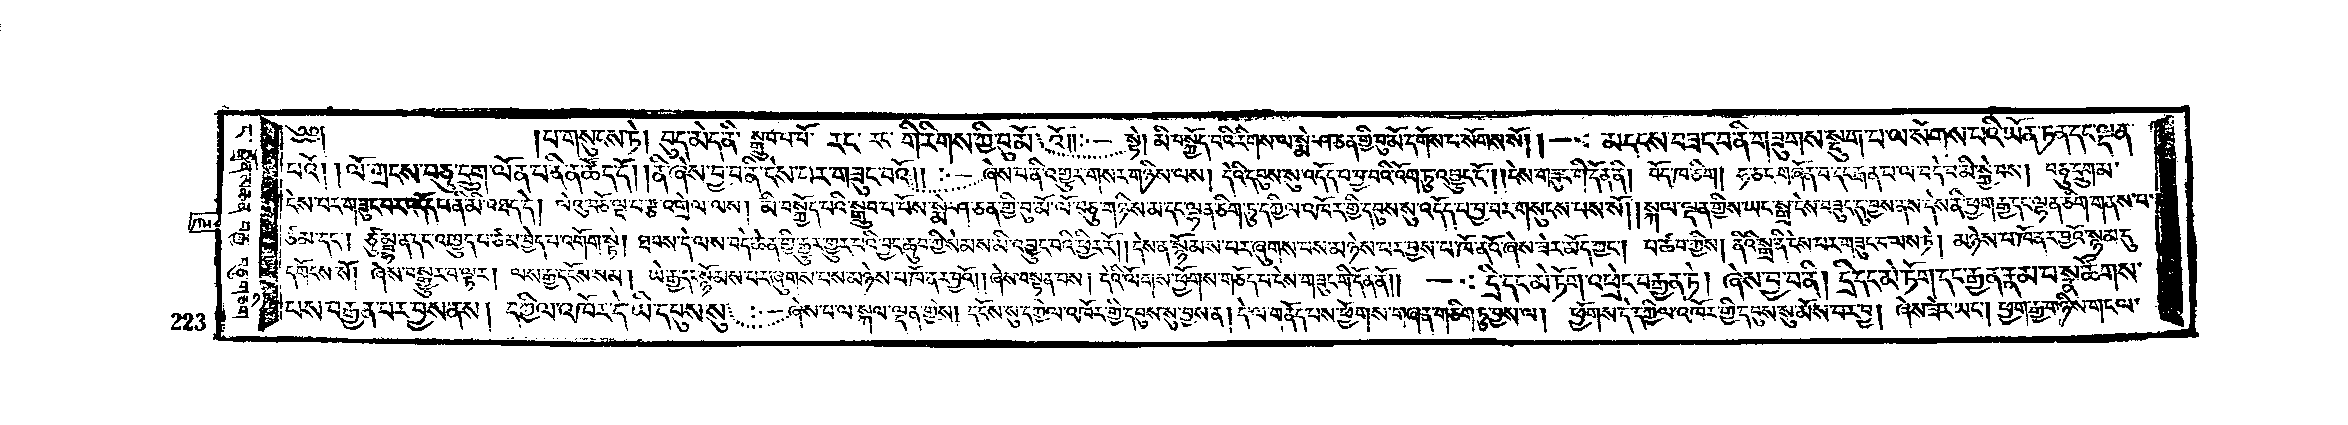༄༅། །པ་གསུངས་ཏེ། བུད་མེད་ནི་སྒྲུབ་པ་པོ་རང་རང་གི་རིགས་ཀྱི་བུ་མོ་འོ།།H.་སྟེ། མི་བསྐྱོད་པའི་རིགས་ལ་སྨེ་ཤ་ཅན་གྱི་བུ་མོ་དགོས་པ་སོགས་སོ།། H.་མདངས་བཟང་བ་ནི་གཟུགས་སྡུག་པ་ལ་སོགས་པའི་ཡོན་ཏན་དང་ལྡན་
པའོ། །ལོ་གྲངས་བཅུ་དྲུག་ལོན་པ་ནི་ན་ཚོད་དོ། །ནི་ཞེས་བྱ་བ་ནི་ངེས་པར་གཟུང་བའོ།། H.་ཞེས་པ་ནི་འགྱུར་གསར་གཉིས་ལས། དེའི་དབུས་སུ་འདོད་པ་བྱ་བའི་འོག་ཏུ་འབྱུང་ངོ། །ངེས་གཟུང་གི་དོན་ནོ། བོད་ཁ་ཅིག །ཧ་ཅང་གཞོན་པ་དང་རྒན་པ་ལ་བདེ་བ་མི་སྐྱེ་བས། བཅུ་དྲུག་མ་
ངེས་པར་གཟུང་བར་འདོད་པ་ནི་མི་འཐད་དེ། ལེའུ་བཅོ་ལྔ་པ་རྩ་འགྲེལ་ལས། མི་བསྐྱོད་པའི་སྒྲུབ་པ་པོས་སྨེ་ཤ་ཅན་གྱི་བུ་མོ་ལོ་བཅུ་གཉིས་མ་དང་ལྷན་ཅིག་ཏུ་དཀྱིལ་འཁོར་གྱི་དབུས་སུ་འདོད་པ་བྱ་བར་གསུངས་པས་སོ། །སྐལ་ལྡན་གྱིས་ཡང་སྒྲ་ངེས་བཟུང་དུ་བྱས་ནས་དེས་ནི་ཕྱག་རྒྱ་དང་ལྷན་ཅིག་གནས་
ཙམ་དང་། ཙུམྦྷ་ན་དང་འཁྱུད་པ་ཙམ་བྱེད་པ་འགོག་སྟེ། ཐབས་དེ་ལས་བདེ་ཆེན་གྱི་རྒྱུར་གྱུར་པའི་བྱང་ཆུབ་ཀྱི་སེམས་མི་འབྱུང་བའི་ཕྱིར་རོ། །དེས་ན་སྙོམས་པར་ཞུགས་པས་མཉེས་པར་བྱས་པ་ཁོ་ནའོ་ཞེས་ཟེར་མོད་ཀྱང་། པ་ཚབ་ཀྱིས། ནིའི་སྒྲ་ནི་ངེས་པར་གཟུང་བ་ལས་ཏེ། མཉེས་པ་ཁོ་ནར་བྱའོ་སྙམ་དུ་
དགོངས་སོ། ཞེས་བསྒྱུར་བ་ལྟར། ལས་རྒྱ་དངོས་སམ། ཡེ་རྒྱ་དང་སྙོམས་པར་ཞུགས་པས་མཉེས་པ་ཁོ་ནར་བྱའོ། །ཞེས་བསྟན་པས། དེའི་ལོགས་ཕྱོགས་གཅོད་པ་ངེས་གཟུང་གི་དོན་ནོ།། .H དྲི་དང་མེ་ཏོག་འཕྲེང་བརྒྱན་ཏེ། ཞེས་བྱ་བ་ནི། དྲི་དང་མེ་ཏོག་དང་རྒྱན་རྣམ་པ་སྣ་ཚོགས་
པས་བརྒྱན་པར་བྱས་ནས། དཀྱིལ་འཁོར་དེ་ཡི་དབུས་སུ་H.་ཞེས་པ་ལ་སྐལ་ལྡན་གྱིས། དངོས་སུ་དཀྱིལ་འཁོར་གྱི་དབུས་སུ་བྱས་ན། དེ་ལ་གནོད་པས་ཕྱོགས་གཞན་གཅིག་ཏུ་བྱས་ལ། ཕྱོགས་དེ་དཀྱིལ་འཁོར་གྱི་དབུས་སུ་མོས་པར་བྱ། ཞེས་ཟེར་ཡང་། ཕྱག་རྒྱ་གཉིས་གང་ལ་